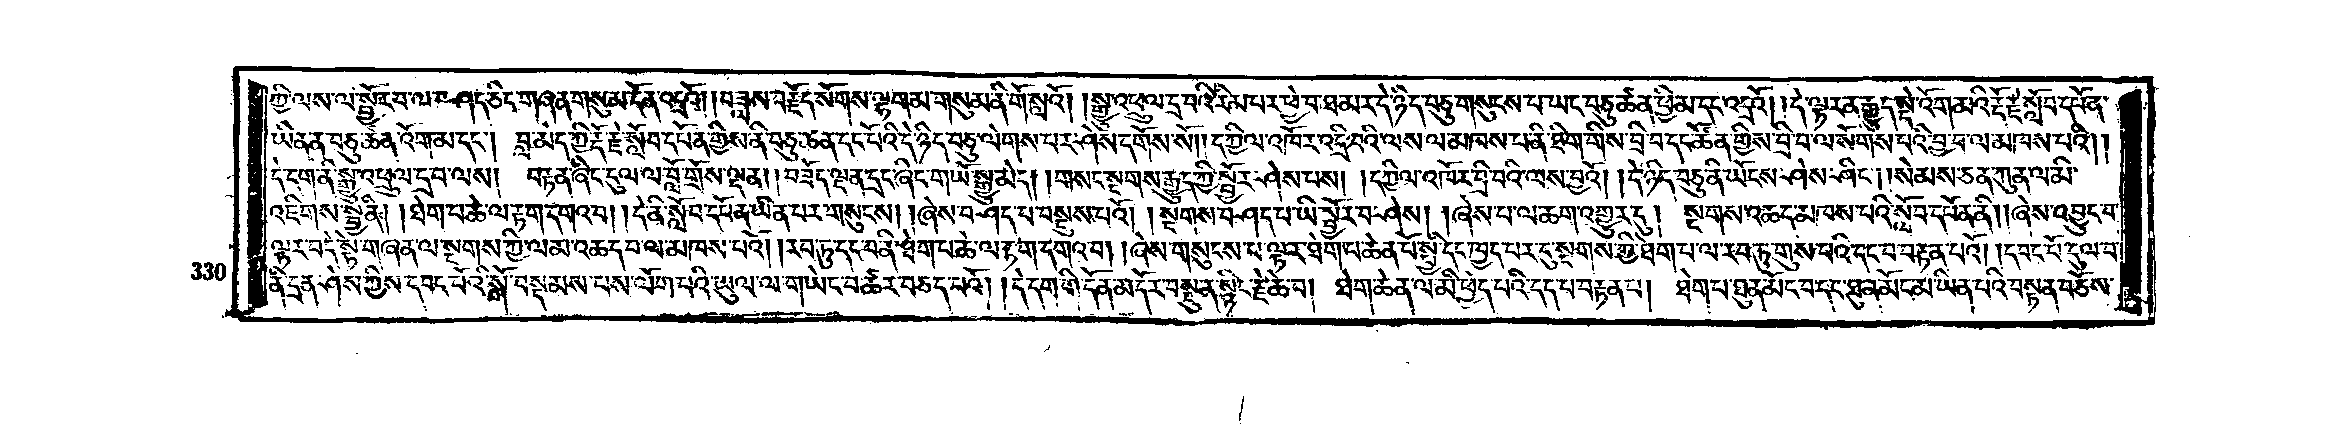ཀྱི་ལས་ལ་སྦྱོར་བ་ལ་བཤད་ཅིང་གཞན་གསུམ་དོན་འདྲའོ། །བཟླས་བརྗོད་སོགས་ལྷག་མ་གསུམ་ནི་གོ་སླའོ། །སྒྱུ་འཕྲུལ་དྲ་བའི་རིམ་པར་ཕྱེ་བ་ཐ་མར་དེ་ཉིད་བཅུ་གསུངས་པ་ཡང་བཅུ་ཚན་ཕྱི་མ་དང་འདྲའོ། །དེ་ལྟར་ན་རྒྱུད་སྡེ་འོག་མའི་རྡོ་རྗེ་སློབ་དཔོན་
ཡིན་ན་བཅུ་ཚན་འོག་མ་དང་། བླ་མེད་ཀྱི་རྡོ་རྗེ་སློབ་དཔོན་གྱིས་ནི་བཅུ་ཚན་དང་པོའི་དེ་ཉིད་བཅུ་ལེགས་པར་ཤེས་དགོས་སོ། །དཀྱིལ་འཁོར་འདྲི་བའི་ལས་ལ་མཁས་པ་ནི་ཐིག་གིས་བྲི་བ་དང་ཚོན་གྱིས་བྲི་བ་ལ་སོགས་པའི་བྱ་བ་ལ་མཁས་པའི།།
དེ་དག་ནི་སྒྱུ་འཕྲུལ་དྲ་བ་ལས། བརྟན་ཞིང་དུལ་ལ་བློ་གྲོས་ལྡན། །བཟོད་ལྡན་དྲང་ཞིང་གཡོ་སྒྱུ་མེད། །གསང་སྔགས་རྒྱུད་ཀྱི་སྦྱོར་ཤེས་པས། །དཀྱིལ་འཁོར་བྲི་བའི་ལས་བྱའོ། །དེ་ཉིད་བཅུ་ནི་ཡོངས་ཤེས་ཤིང་། །སེམས་ཅན་ཀུན་ལ་མི་
འཇིགས་སྦྱིན། །ཐེག་པ་ཆེ་ལ་རྟག་དགའ་བ། །དེ་ནི་སློབ་དཔོན་ཡིན་པར་གསུངས། །ཞེས་བཤད་པ་བསྡུས་པའོ། །སྔགས་བཤད་པ་ཡི་སྦྱོར་བ་ཤེས། །ཞེས་པ་ལ་ཆག་འགྱུར་དུ། སྔགས་འཆད་མཁས་པའི་སློབ་དཔོན་ནི། །ཞེས་འབྱུང་བ་
ལྟར་བདེ་སྟེ་གཞན་ལ་སྔགས་ཀྱི་ལམ་འཆད་པ་ལ་མཁས་པའོ། །རབ་ཏུ་དང་བ་ནི་ཐེག་པ་ཆེ་ལ་རྟག་དགའ་བ། །ཞེས་གསུངས་པ་ལྟར་ཐེག་པ་ཆེན་པོ་སྤྱི་དང་ཁྱད་པར་དུ་སྔགས་ཀྱི་ཐེག་པ་ལ་རབ་ཏུ་གུས་པའི་དང་བ་བརྟན་པའོ། །དབང་པོ་དུལ་བ་
ནི་དྲན་ཤེས་ཀྱིས་དབང་པོའི་སྒོ་བསྡམས་པས་ལོག་པའི་ཡུལ་ལ་གཡེང་བ་ཚར་བཅད་པའོ། །དེ་དག་གི་དོན་མདོར་བསྡུ་ན་སྙིང་རྗེ་ཆེ་བ། ཐེག་ཆེན་ལ་མི་ཕྱེད་པའི་དད་པ་བརྟན་པ། ཐེག་པ་ཐུན་མོང་བ་དང་ཐུན་མོང་མ་ཡིན་པའི་བསྟན་བཅོས་